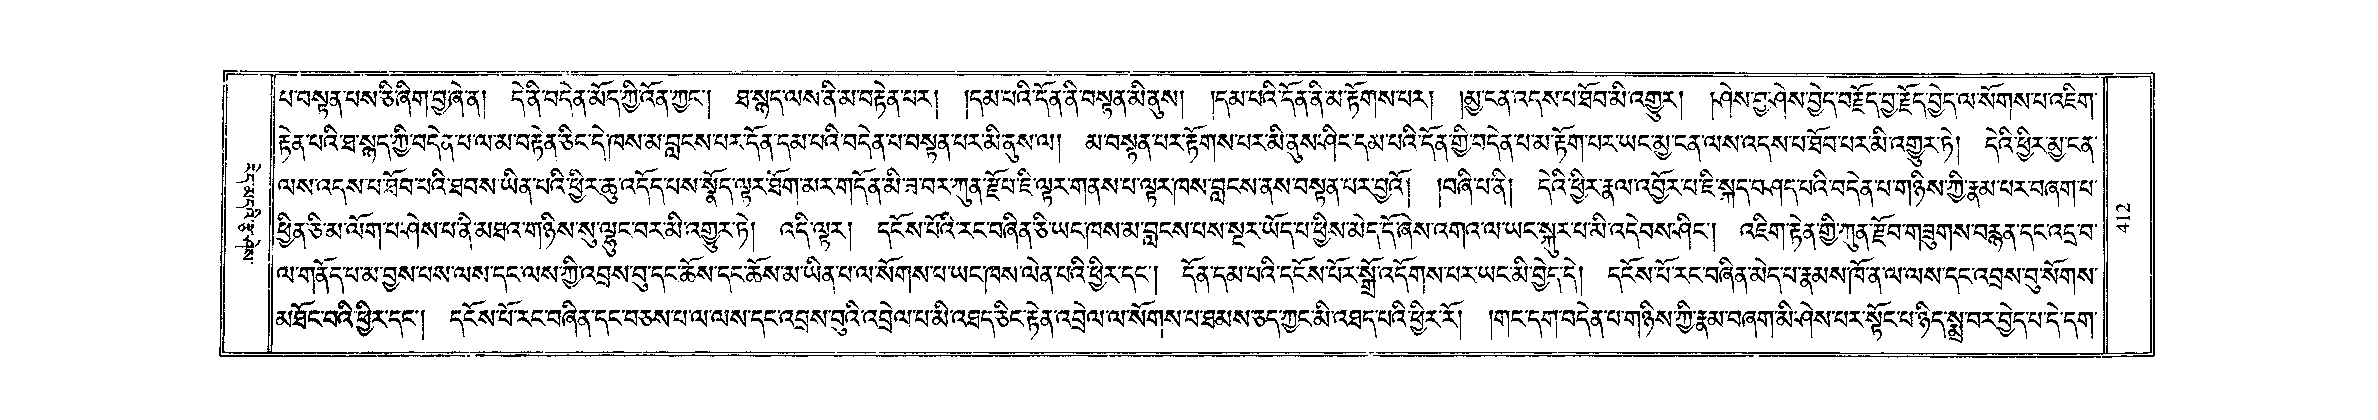པ་བསྟན་པས་ཅི་ཞིག་བྱ་ཞེ་ན། དེ་ནི་བདེན་མོད་ཀྱི་འོན་ཀྱང་ཐ་སྙད་ལས་ནི་མ་བརྟེན་པར། །དམ་པའི་དོན་ནི་བསྟན་མི་ནུས། །དམ་པའི་དོན་ནི་མ་རྟོགས་པར། །མྱ་ངན་འདས་པ་ཐོབ་མི་འགྱུར། །ཤེས་བྱ་ཤེས་བྱེད་བརྗོད་བྱ་རྗོད་བྱེད་ལ་སོགས་པ་འཇིག་
རྟེན་པའི་ཐ་སྙད་ཀྱི་བདེན་པ་ལ་མ་བརྟེན་ཅིང་དེ་ཁས་མ་བླངས་པར་དོན་དམ་པའི་བདེན་པ་བསྟན་པར་མི་ནུས་ལ། མ་བསྟན་པར་རྟོགས་པར་མི་ནུས་ཤིང་དམ་པའི་དོན་གྱི་བདེན་པ་མ་རྟོག་པར་ཡང་མྱ་ངན་ལས་འདས་པ་ཐོབ་པར་མི་འགྱུར་ཏེ། དེའི་ཕྱིར་མྱ་ངན་
ལས་འདས་པ་ཐོབ་པའི་ཐབས་ཡིན་པའི་ཕྱིར་ཆུ་འདོད་པས་སྣོད་ལྟར་ཐོག་མར་གདོན་མི་ཟ་བར་ཀུན་རྫོབ་ཇི་ལྟར་གནས་པ་ལྟར་ཁས་བླངས་ནས་བསྟན་པར་བྱའོ། །བཞི་པ་ནི། དེའི་ཕྱིར་རྣལ་འབྱོར་པ་ཇི་སྐད་བཤད་པའི་བདེན་པ་གཉིས་ཀྱི་རྣམ་པར་བཞག་པ་
ཕྱིན་ཅི་མ་ལོག་པ་ཤེས་པ་ནི་མཐའ་གཉིས་སུ་ལྷུང་བར་མི་འགྱུར་ཏེ། འདི་ལྟར། དངོས་པོའི་རང་བཞིན་ཅི་ཡང་ཁས་མ་བླངས་པས་སྔར་ཡོད་པ་ཕྱིས་མེད་དོ་ཞེས་འགའ་ལ་ཡང་སྐུར་པ་མི་འདེབས་ཤིང་། འཇིག་རྟེན་གྱི་ཀུན་རྫོབ་གཟུགས་བརྙན་དང་འདྲ་བ་
ལ་གནོད་པ་མ་བྱས་པས་ལས་དང་ལས་ཀྱི་འབྲས་བུ་དང་ཆོས་དང་ཆོས་མ་ཡིན་པ་ལ་སོགས་པ་ཡང་ཁས་ལེན་པའི་ཕྱིར་དང་། དོན་དམ་པའི་དངོས་པོར་སྒྲོ་འདོགས་པར་ཡང་མི་བྱེད་དེ། དངོས་པོ་རང་བཞིན་མེད་པ་རྣམས་ཁོ་ན་ལ་ལས་དང་འབྲས་བུ་སོགས་
མཐོང་བའི་ཕྱིར་དང་། དངོས་པོ་རང་བཞིན་དང་བཅས་པ་ལ་ལས་དང་འབྲས་བུའི་འབྲེལ་པ་མི་འཐད་ཅིང་རྟེན་འབྲེལ་ལ་སོགས་པ་ཐམས་ཅད་ཀྱང་མི་འཐད་པའི་ཕྱིར་རོ། །གང་དག་བདེན་པ་གཉིས་ཀྱི་རྣམ་བཞག་མི་ཤེས་པར་སྟོང་པ་ཉིད་སྨྲ་བར་བྱེད་པ་དེ་དག་